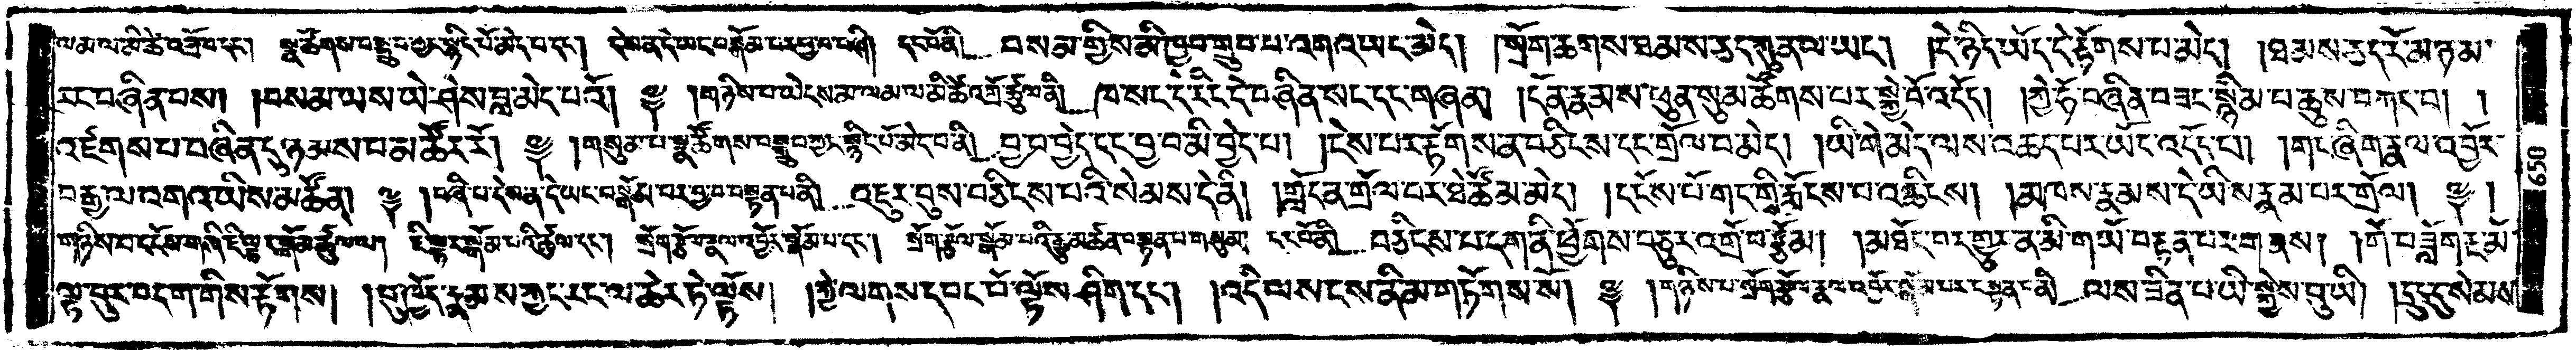ལམ་ལ་མི་ཚེ་འགྲོ་བ་དང་། སྣ་ཚོགས་བསྒྲུབ་ཀྱང་སྙིང་པོ་མེད་པ་དང་། དེས་ན་དེ་ཡང་བསྒོམ་པར་བྱ་བ་བཞི། དང་པོ་ནི། བསམ་གྱིས་མི་ཁྱབ་གྲུབ་པ་འགའ་ཡང་མེད། །སྲོག་ཆགས་ཐམས་ཅད་ཀུན་ལ་ཡང་། །དེ་ཉིད་ཡོད་དེ་རྟོགས་པ་མེད། །ཐམས་ཅད་རོ་མཉམ་
རང་བཞིན་པས། །བསམ་ཡས་ཡེ་ཤེས་བླ་མེད་པའོ། ༈ །གཉིས་པ་ཡེངས་མ་ལམ་ལ་མི་ཚེ་འགྲོ་ཚུལ་ནི། ཁ་སང་དེ་རིང་དེ་བཞིན་སང་དང་གཞན། །དོན་རྣམས་ཕུན་སུམ་ཚོགས་པར་སྐྱེ་བོ་འདོད། །ཀྱེ་ཧོ་བཞིན་བཟང་སྙིམ་པ་ཆུས་བཀང་བ་། །
འཛགས་པ་བཞིན་དུ་ཉམས་པ་མ་ཚོར་རོ། ༈ །གསུམ་པ་སྣ་ཚོགས་བསྒྲུབ་ཀྱང་ཉིད་པོ་མེད་པ་ནི་། བྱ་བ་བྱེད་དང་བྱ་བ་མི་བྱེད་པ། །ངེས་པར་རྟོགས་ན་བཅིངས་དང་གྲོལ་བ་མེད། །ཡི་གེ་མེད་ལས་འཆད་པར་ཡོང་འདོད་པ། །གང་ཞིག་རྣལ་འབྱོར་
བརྒྱལ་འགའ་ཡིས་མཚོན། ༈ །བཞི་བདེ་སྣ་དེ་ཡང་བསྒོམ་བར་བྱ་བ་བསྟན་པ་ནི་། འཇུར་བུས་བཅིངས་པའི་སེམས་དེ་ནི། ། གློང་ན་གྲོལ་བར་ཐེ་ཚོམ་མེད། །དངོས་པོ་གང་གིས་རྨོངས་པ་འཆིངས། །མཁས་རྣམས་དེ་ཡིས་རྣམ་བར་གྲོལ། །
གཉིས་པ་དངོས་གཞི་ཇི་ལྟར་སྒོམ་ཚུལ་ལ། རི་ལྟར་སྒོམ་པའི་ཚུལ་དང་། སྲོག་རྩོལ་རྣལ་འབྱོར་སྒོམ་པ་དང་། སྲོག་རྩོལ་སྒོམ་པའི་རྩ་མཚན་བསྟན་པ་གསུམ། ། དང་བོ་ནི། བཅིངས་པ་དག་ནི་ཕྱོགས་བཅུར་འགྲོ་བ་རྩོམ། །མཐོང་བར་རྒྱུ་ན་མི་གཡོ་བརྟན་པར་གནས། །གོ་བཟློག་རྔ་མ་
ལྟ་བུར་བདག་གིས་རྟོགས། །བུ་ཁྱོད་རྣམས་ཀྱང་རང་ལ་ཆེར་ཏེ་ལྟོས། །ཀྱེ་ལགས་དབང་པོ་ལྟོས་ཤིག་དང་། །འདི་ལས་ངས་ནི་མ་གཏོགས་སོ། ༈ །གཉིས་པ་སྲོག་རྩོལ་རྣལ་འབྱོར་སྒོམ་པར་བསྟན་ནི། ལས་ཟིན་པ་ཡི་སྐྱེས་བུ་ཡི། །དྲུང་དུ་སེམས་